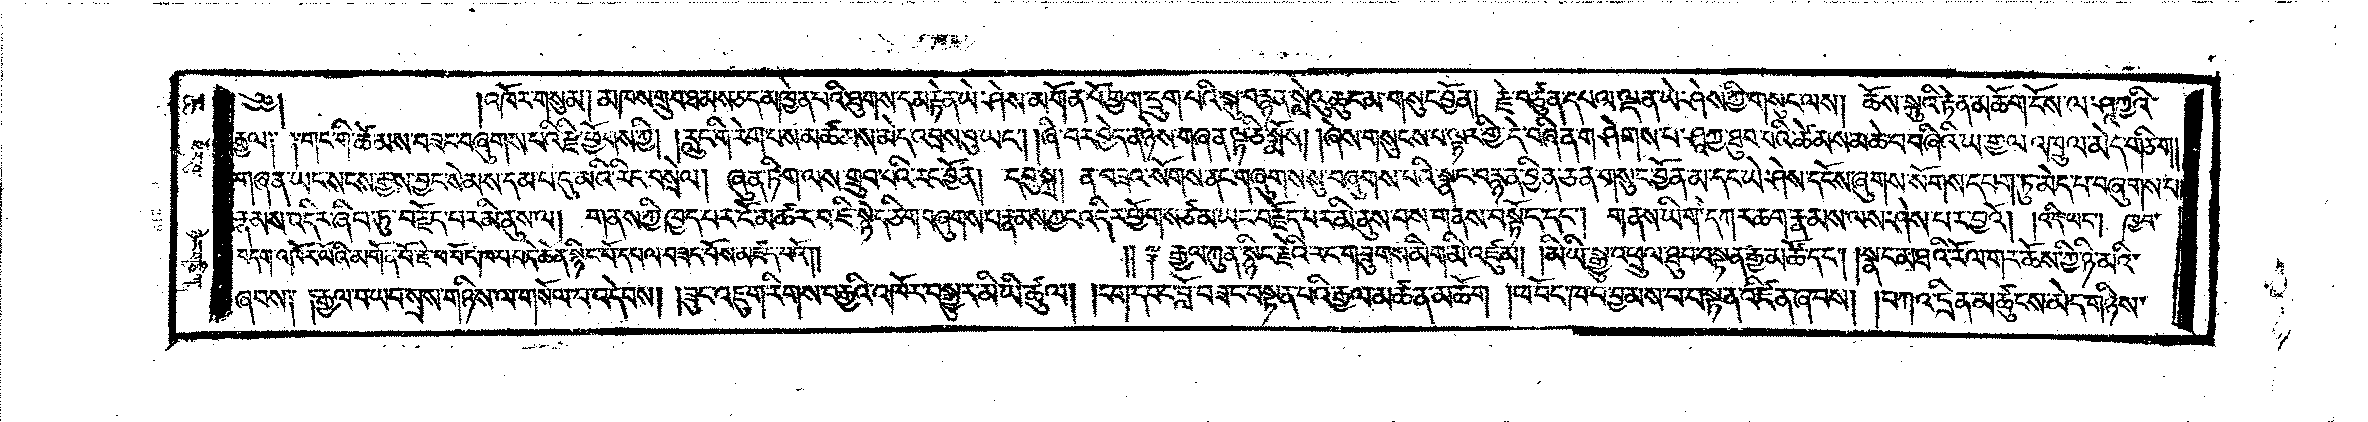༄༅། །འཁོར་གསུམ། མཁས་གྲུབ་ཐམས་ཅད་མཁྱེན་པའི་ཐུགས་དམ་རྟེན་ཡེ་ཤེས་མགོན་པོ་ཕྱག་དྲུག་པའི་སྐུ་བརྙན་སློའུ་ཆུང་མ་གསུང་བྱོན། རྗེ་བཙུན་དཔལ་ལྡན་ཡེ་ཤེས་ཀྱི་གསུང་ལས། ཆོས་སྐུའི་རྟེན་མཆོག་ངོས་ལ་ཤཱཀྱའི་
རྒྱལ༑ ༑གང་གི་ཚེམས་བཟང་བཞུགས་པའི་རྫི་ཕྱོགས་ཀྱི། །རླུང་གི་རེག་པས་མཚམས་མེད་འབྲས་བུ་ཡང་། །ཞི་བར་བྱེད་ན་ཉེས་གཞན་ལྟ་ཅི་སྨོས། །ཞེས་གསུངས་པ་ལྟར་གྱི་དེ་བཞིན་གཤེགས་པ་ཤཱཀྱ་ཐུབ་པའི་ཚེམས་མཆེ་བ་བཞིའི་ཡ་གྱལ་འཁྲུལ་མེད་གཅིག།
གཞན་ཡང་སངས་རྒྱས་བྱང་སེམས་དམ་པ་དུ་མའི་རིབ་བསྲེལ། ཞུན་ཚིག་ལས་གྲུབ་པའི་རང་བྱོན། དབུ་སྐྲ། ན་བཟའ་སོགས་ནང་གཞུགས་སུ་བཞུགས་པའི་སྣང་བརྙན་བྱིན་ཅན་གསུང་བྱོན་མ་དང་ཡེ་ཤེས་དངོས་ཞུགས་སོགས་དཔག་ཏུ་མེད་པ་བཞུགས་པ་
རྣམས་འདིར་ཞིབ་ཏུ་བརྗོད་པར་མི་ནུས་ལ། གནས་ཀྱི་ཁྱད་པར་ངོ་མཚར་བ་ཇི་སྙེད་ཅིག་བཞུགས་པ་རྣམས་ཀྱང་འདིར་ཕྱོགས་ཙམ་ཡང་བརྗོད་པར་མི་ནུས་པས་གནས་བསྟོད་དང་། གནས་ཡི་གེ་དཀར་ཆག་རྣམས་ལས་ཤེས་པར་བྱའོ། །འདི་ཡང་། ཁྱབ་
བདག་འཁོར་ལོའི་མགོན་པོ་རྗེ་ཕ་བོང་ཁ་པ་བདེ་ཆེན་སྙིང་པོ་དཔལ་བཟང་པོས་མཛད་པའོ།། །། ༈ རྒྱལ་ཀུན་སྙིང་རྗེའི་རང་གཟུགས་མིག་མི་འཛུམ། །མི་ཡི་སྒྱུ་འཕྲུལ་ཐུབ་བསྟན་རྒྱ་མཚོ་དང་། །སྣང་མཐའི་རོལ་གར་ཆོས་ཀྱི་ཉི་མའི་
ཞབས༑ ༑རྒྱལ་བ་ཡབ་སྲས་གཉིས་ལ་གསོལ་བ་འདེབས། །ཟུང་འཇུག་རིགས་བརྒྱའི་འཁོར་བསྒྱུར་མི་ཡི་ཚུལ། །ངག་དབང་བློ་བཟང་བསྟན་པའི་རྒྱལ་མཚན་མཆོག །ཕ་བོང་ཁ་བ་བྱམས་པ་བསྟན་འཛིན་ཞབས། །བཀའ་དྲིན་མཚུངས་མེད་གཉིས་